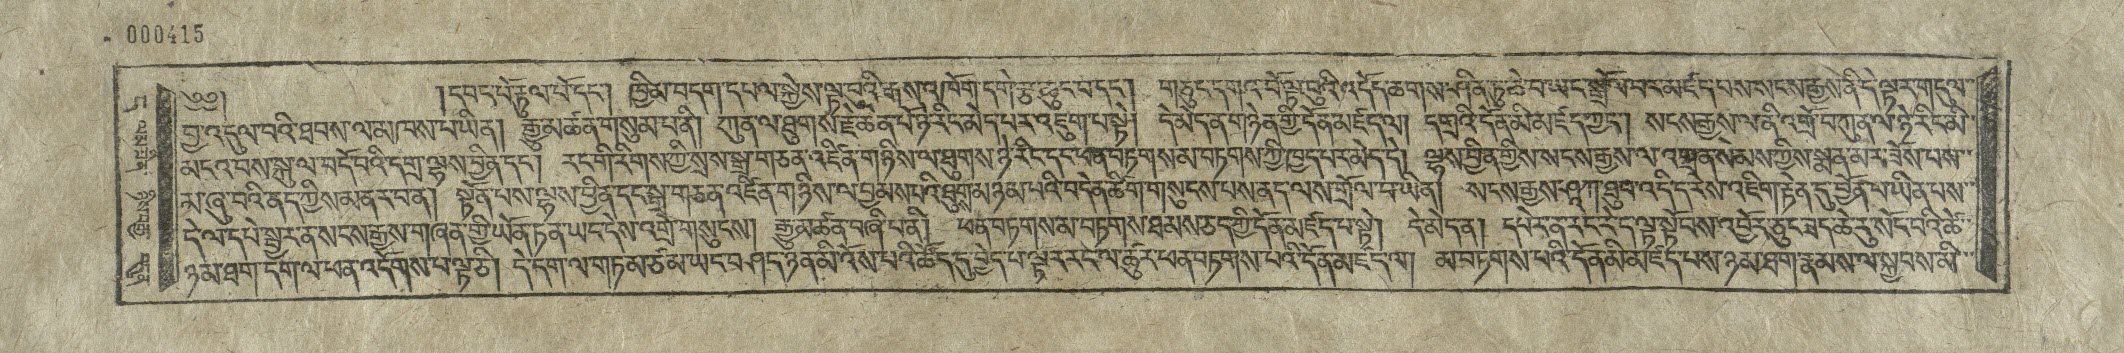༄༅། །དབང་པོ་རྟུལ་པོ་དང་། ཁྱིམ་བདག་དཔལ་སྐྱེས་ལྟ་བུའི་རྒས་འཁོག་དགེ་རྩ་ཆུང་བ་དང་། གཅུང་དགའ་བོ་ལྟ་བུའི་འདོད་ཆགས་ཤིན་ཏུ་ཆེ་བ་ཡང་སྒྲོལ་བར་མཛད་པས་སངས་རྒྱས་ནི་དེ་ལྟར་གདུལ་
བྱ་འདུལ་བའི་ཐབས་ལ་མཁས་པ་ཡིན། རྒྱུ་མཚན་གསུམ་པ་ནི། ཀུན་ལ་ཐུགས་རྗེ་ཆེན་པོ་ཉེ་རིང་མེད་པར་འཇུག་པ་སྟེ། དེ་མེད་ན་གཉེན་གྱི་དོན་མཛད་ལ། དགྲའི་དོན་མི་མཛད་ཀྱང་། སངས་རྒྱས་ལ་ནི་འགྲོ་བ་ཀུན་ལ་ཉེ་རིང་མི་
མངའ་བས་སྐུ་ལ་བདོ་བའི་དགྲ་ལྷས་བྱིན་དང་། རང་གི་རིགས་ཀྱི་སྲས་སྒྲ་གཅན་འཛིན་གཉིས་ལ་ཐུགས་ཉེ་རིང་དང་ཕན་བཏགས་མ་བཏགས་ཀྱི་ཁྱད་པར་མེད་དེ། ལྷས་བྱིན་གྱིས་སངས་རྒྱས་ལ་འགྲན་སེམས་ཀྱིས་སྨན་མར་ཟོས་པས་
མ་ཞུ་བའི་ནད་ཀྱིས་མནར་བ་ན། སྟོན་པས་ལྷས་བྱིན་དང་སྒྲ་གཅན་འཛིན་གཉིས་ལ་བྱམས་པའི་ཐུགས་མཉམ་པའི་བདེན་ཚིག་གསུངས་པས་ནད་ལས་གྲོལ་བ་ཡིན། སངས་རྒྱས་ཤཱཀ་ཐུབ་འདི་ད་རེས་འཇིག་རྟེན་དུ་བྱོན་པ་ཡིན་པས་
དེ་ལ་དཔེ་སྦྱར་ན་སངས་རྒྱས་གཞན་གྱི་ཡོན་ཏན་ཡང་དེས་འགྲེ་གསུངས། རྒྱུ་མཚན་བཞི་པ་ནི། ཕན་བཏགས་མ་བཏགས་ཐམས་ཅད་ཀྱི་དོན་མཛད་པ་སྟེ། དེ་མེད་ན། དཔེར་ན་རང་རེ་ད་ལྟ་སྟོབས་འབྱོར་ཅུང་ཟད་ཆེ་རུ་སོང་བའི་ཚེ་
ཉམ་ཐག་དག་ལ་ཕན་འདོགས་པ་ལྟ་ཅི། དེ་དག་ལ་གཏམ་ཙམ་ཡང་བཤད་ཉན་མི་འོས་པའི་ཚོད་དུ་བྱེད་པ་ལྟར་རང་ལ་ཚུར་ཕན་བཏགས་པའི་དོན་མཛད་ལ། མ་བཏགས་པའི་དོན་མི་མཛད་པས་ཉམ་ཐག་རྣམས་ལ་སྐྱབས་མི་